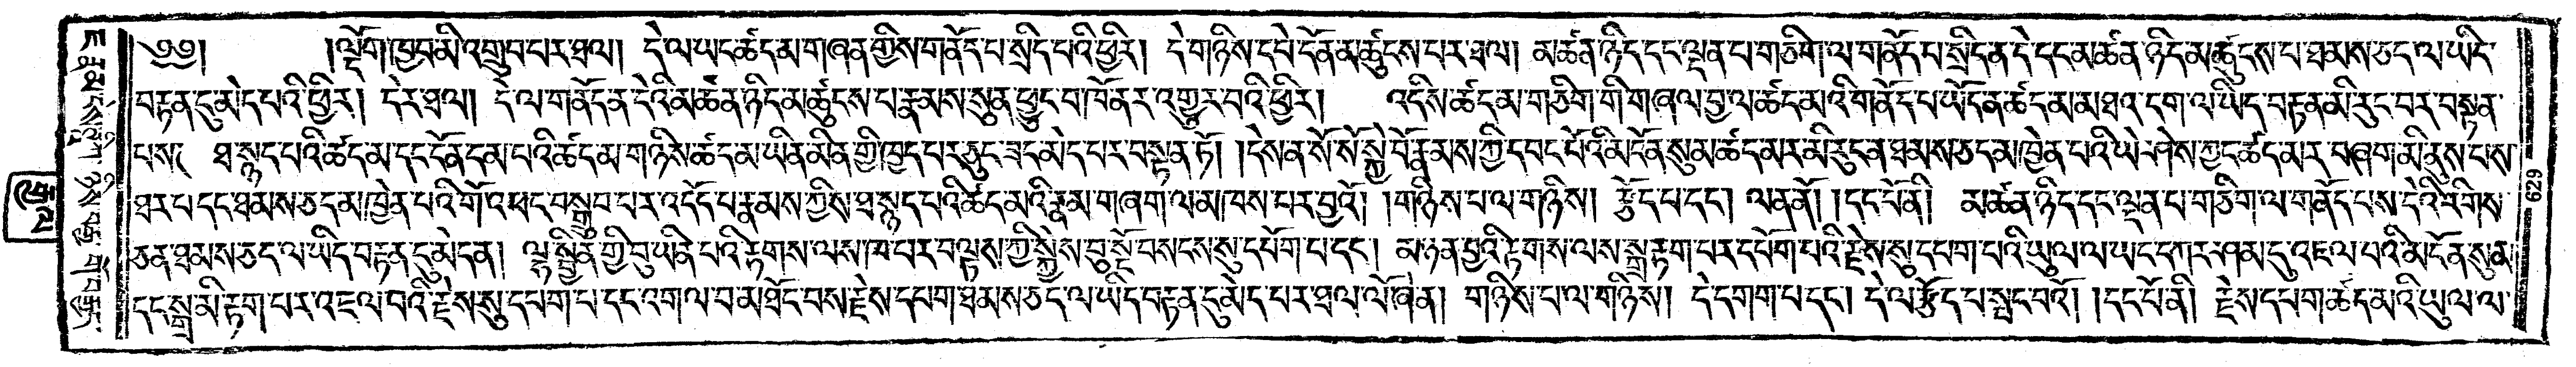༄༅། །ལྡོག་ཁྱབ་མི་འགྲུབ་པར་ཐལ། དེ་ལ་ཡང་ཚད་མ་གཞན་གྱིས་གནོད་པ་སྲིད་པའི་ཕྱིར། དེ་གཉིས་དཔེ་དོན་མཚུངས་པར་ཐལ། མཚན་ཉིད་དང་ལྡན་པ་གཅིག་ལ་གནོད་པ་སྲིད་ན་དེ་དང་མཚན་ཉིད་མཚུངས་པ་ཐམས་ཅད་ལ་ཡིད་
བརྟན་དུ་མེད་པའི་ཕྱིར། དེར་ཐལ། དེ་ལ་གནོད་ན་དེའི་མཚན་ཉིད་མཚུངས་པ་རྣམས་སུན་ཕྱུང་བ་ཁོ་ནར་འགྱུར་བའི་ཕྱིར། འདིས་ཚད་མ་གཅིག་གི་གཞལ་བྱ་ལ་ཚད་མའི་གནོད་པ་ཡོད་ན་ཚད་མ་མཐའ་དག་ལ་ཡིད་བརྟན་མི་རུང་བར་བསྟན་
པས། ཐ་སྙད་པའི་ཚད་མ་དང་དོན་དམ་པའི་ཚད་མ་གཉིས་ཚད་མ་ཡིན་མིན་གྱི་ཁྱད་པར་ཅུང་ཟད་མེད་པར་བསྟན་ཏོ། །དེས་ན་སོ་སོ་སྐྱེ་བོ་རྣམས་ཀྱི་དབང་པོའི་མངོན་སུམ་ཚད་མར་མི་རུང་ན་ཐམས་ཅད་མཁྱེན་པའི་ཡེ་ཤེས་ཀྱང་ཚད་མར་བཞག་མི་ནུས་པས་
ཐར་པ་དང་ཐམས་ཅད་མཁྱེན་པའི་གོ་འཕང་བསྒྲུབ་པར་འདོད་པ་རྣམས་ཀྱིས་ཐ་སྙད་པའི་ཚད་མའི་རྣམ་གཞག་ལ་མཁས་པར་བྱའོ། །གཉིས་པ་ལ་གཉིས། རྩོད་པ་དང་། ལན་ནོ། །དང་པོ་ནི། མཚན་ཉིད་དང་ལྡན་པ་གཅིག་ལ་གནོད་པས་དེའི་རིགས་
ཅན་ཐམས་ཅད་ལ་ཡིད་བརྟན་དུ་མེད་ན། ལྷ་སྦྱིན་གྱི་བུ་ཡིན་པའི་རྟགས་ལས་ཁ་པར་བལྟས་ཀྱི་སྐྱེས་བུ་སྔོ་བསངས་སུ་དཔོག་པ་དང་། མཉན་བྱའི་རྟགས་ལས་སྒྲ་རྟག་པར་དཔོག་པའི་རྗེས་སུ་དཔག་པའི་ཡུལ་ལ་ཡང་དཀར་ཤམ་དུ་འཇལ་བའི་མངོན་སུམ་
དང་སྒྲ་མི་རྟག་པར་འཇལ་བའི་རྗེས་སུ་དཔག་པ་དང་འགལ་བ་མཐོང་བས་རྗེས་དཔག་ཐམས་ཅད་ལ་ཡིད་བརྟན་དུ་མེད་པར་ཐལ་ལོ་ཞེ་ན། གཉིས་པ་ལ་གཉིས། དེ་དགག་པ་དང་། དེ་ལ་རྩོད་པ་སྤང་བའོ། །དང་པོ་ནི། རྗེས་དཔག་ཚད་མའི་ཡུལ་ལ་